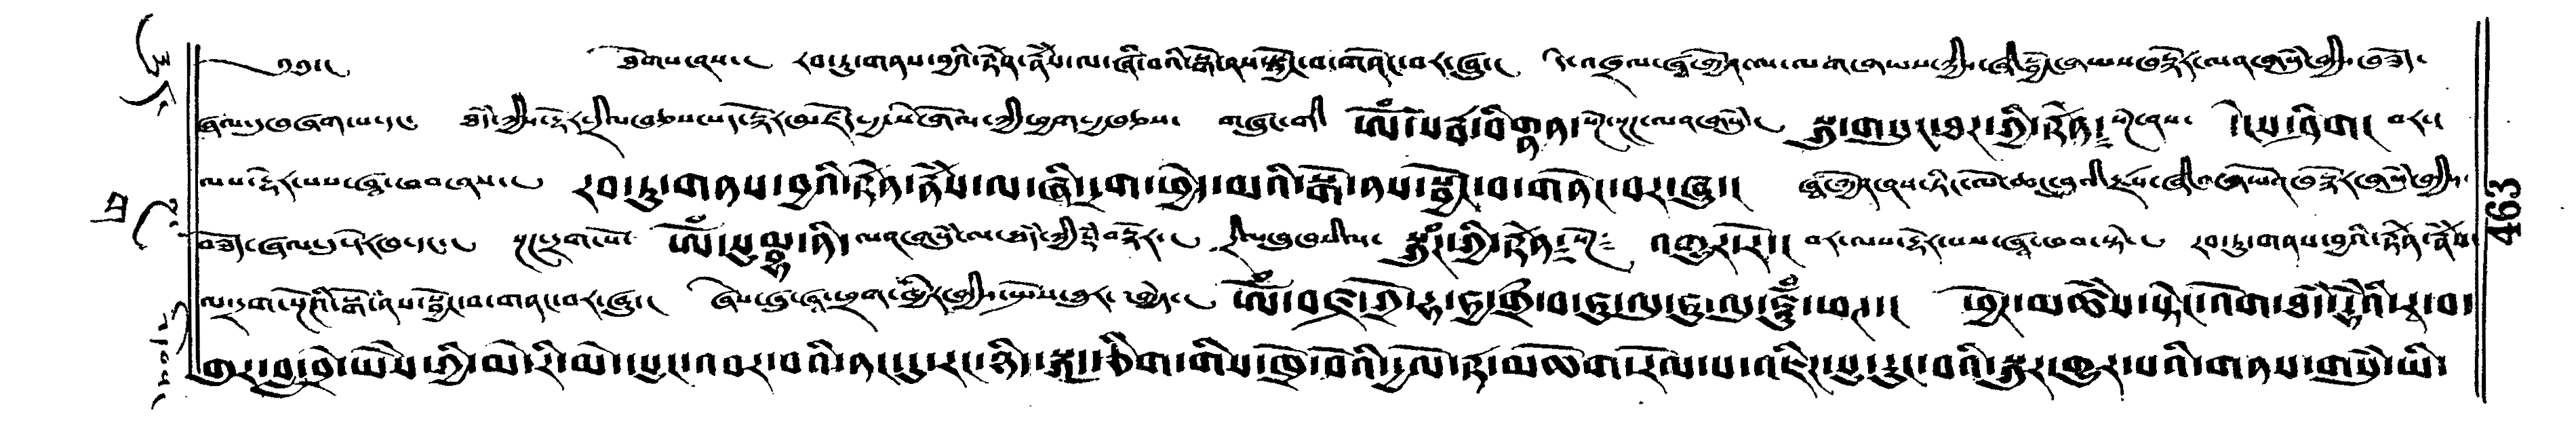ཐོགས་ནས། རབ་ཏུ་གནས་བྱའི་རྟེན་རྣམས་ལ་ཞི་བའི་སྒོ་ནས་སྦྱོང་བ་གནང་བར་ཞུ། དེ་འཁྲལ་ཞྭ་གྱོན་ལ་ལག་གཡས་ཀྱིས་ཞི་སྦྱོང་གཡས་བསྐོར་ལན་གསུམ་གྱིས་བཟོད་
ཞལ་དུ་བཞག་པ་དང་། ཐམས་ཅད་ཀྱིས་རྡོར་དྲིལ་བཅས་པད་སྐོར་མཛོད་རྒྱ་སེ་གོལ་ཀྱི་ཕྱག་རྒྱ་བཅས། གཞུང་གི་ཨོཾ་སརྦ་བིགྣན་སོགས་སྔགས་ལན་གསུམ། སྐུ་གསུང་ཐུགས་ཀྱི་རྟེན༴ སོགས་ནས། དེངས་ཤིག བར། 
ལས་རྡོར་པས་ཞྭ་ཕབ་ནས། རབ་ཏུ་གནས་བྱའི་རྟེན་རྣམས་ལ་ཞི་དྲག་ཕྱེད་མའི་སྒོ་ནས་སྦྱོང་བ་གནང་བར་ཞུ། ཞྭ་གྱོན་ནས་ཏིང་ལོ་ཆང་བུའི་རྫས་ཞི་བ་གཡོན་བསྐོར་གསུམ་གྱིས་
བཟེད་ཞལ་དུ་དོར་བ་དང་། སྔགས་དྲག་པོ་ཨོཾ་སུམྦྷ་ནི་ལན་གསུམ་ལ་ཐམས་ཅད་ཀྱི་རྡོ་རྗེ་བསྐོར། དྲིལ་བུ་བསིལ། སྐུ་གསུང་ཐུགས་ཀྱི་རྟེན༴ སོགས་འགྱུར་རོ་བར་ལས་རྡོར་པས་ཞྭ་ཕབ་སྟེ། རབ་ཏུ་གནས་བྱའི་རྟེན་རྣམས་
ལ་དྲག་སྔགས་ཀྱི་སྒོ་ནས་སྦྱོང་བ་གནང་བར་ཞུ། ཞེས་ཞུ་ཞྭ་ཕྲག་ཁྱེར་གྱིས་སྤོས་ཐུར་འགྱེད། ཨོཾ་བཛྲ་ཀྲོ་དྷ་ཧྱ་གྲྀ་བ་ཧུ་ལུ་ཧུ་ལུ་ཧཱུྃ་ཕཊཿ ཕྱོགས་མཚམས་སྟེང་འོག་ཐམས་ཅད་རྡོ་རྗེའི་རྭ་བ་
གུར་བླ་བྲེ་ཡེ་ཤེས་ཀྱི་མེ་རི་མེ་དཔུང་འབར་བའི་ནང་དུ་རང་ཉིད་སྐད་ཅིག་གིས་ཁྲོ་བོའི་རྒྱལ་པོ་རྟ་མཆོག་རོལ་པ་འཇིགས་སུ་རུང་བའི་སྐུར་གྱུར་པའི་གནས་གསུམ་ཡི་